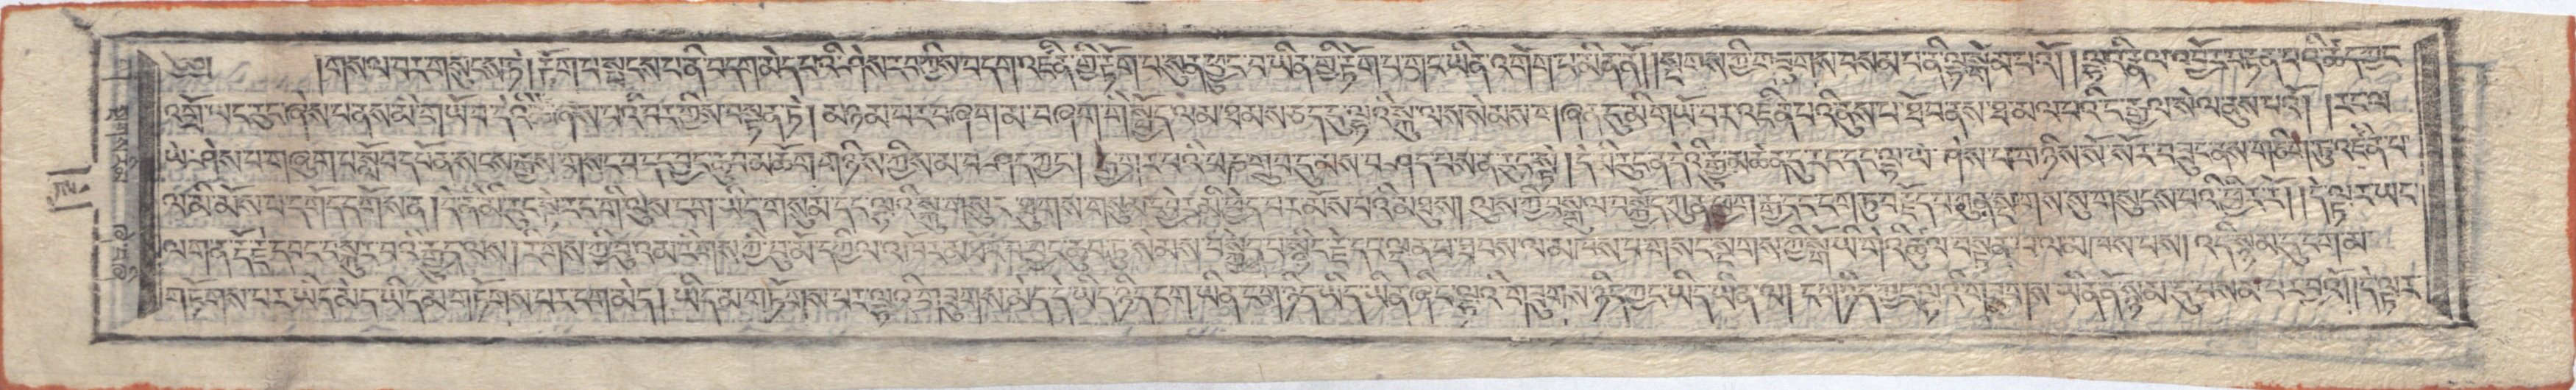༄༅། །གསལ་བར་གསུངས་ཏེ། རྟོག་པ་སྤངས་པ་ནི་བདག་མེད་པའི་ཤེས་རབ་ཀྱིས་བདག་འཛིན་གྱི་རྟོག་པ་སུན་ཕྱུང་བ་ཡིན་གྱི་རྟོག་པ་གང་ཡིན་འགོག་པ་མིན་ནོ། །སྔགས་ཀྱི་གཟུགས་བསམ་པ་ནི་ལྷ་སྒོམ་པའོ། །ལྷའི་རྣལ་འབྱོར་བརྟན་པའི་ཚད་ཀྱང་
འགྲོ་ཡང་རུང་ཞེས་པ་ནས་མི་གཡོ་བ་དེའི་ཚེ་ཞེས་པའི་བར་གྱིས་བསྟན་ཏེ། མཉམ་པར་བཞག་མ་བཞག་གི་སྤྱོད་ལམ་ཐམས་ཅད་དུ་ལྷའི་སྐུ་ལས་སེམས་གཞན་དུ་མི་གཡོ་བར་འཛིན་པའི་ནུས་པ་ཐོབ་ནས་ཐ་མལ་བའི་ང་རྒྱལ་སེལ་ནུས་པའོ། །རང་ལ་
ཡེ་ཤེས་པ་གཞུག་པ་སློབ་དཔོན་སངས་རྒྱས་གསང་བ་དང་བྱང་ཆུབ་མཆོག་གཉིས་ཀྱིས་མ་བཤད་ཀྱང་། རྒྱ་གར་པའི་པཎ་གྲུབ་དུ་མས་བཤད་པས་ན་རུང་སྟེ། དེ་མི་རུང་ན་དེའི་རྒྱུ་མཚན་དུ་རང་དང་ལྷ་ཡེ་ཤེས་པ་གཉིས་སོ་སོར་བཟུང་ནས་གཅིག་ཏུ་འཛིན་པ་
ལ་མི་མོས་པ་དགོད་དགོས་ན། དེ་ནི་མི་རུང་སྟེ་རང་གི་ལུས་ངག་ཡིད་གསུམ་དང་ལྷའི་སྐུ་གསུང་ཐུགས་གསུམ་དབྱེར་མི་ཕྱེད་པར་མོས་པའི་མཐུས། ལུས་ཀྱི་བསྒུལ་བསྐྱོད་ཀུན་ཕྱག་རྒྱ་དང་ངག་ཏུ་བརྗོད་པ་ཀུན་སྔགས་སུ་གསུངས་པའི་ཕྱིར་རོ། །དེ་ལྟར་ཡང་
ལག་ན་རྡོ་རྗེ་དབང་བསྐུར་བའི་རྒྱུད་ལས། རིགས་ཀྱི་བུ་འམ་རིགས་ཀྱི་བུ་མོ་དཀྱིལ་འཁོར་མཐོང་བ་བྱང་ཆུབ་ཏུ་སེམས་བསྐྱེད་པ་སྙིང་རྗེ་དང་ལྡན་པ་ཐབས་ལ་མཁས་པ་གསང་སྔགས་ཀྱི་སྒོ་ཡི་གེའི་ཚུལ་བསྟན་པ་ལ་མཁས་པས། འདི་སྙམ་དུ་ངག་མ་
གཏོགས་པར་ཡིད་མེད་ཡིད་མ་གཏོགས་པར་དག་མེད། ཡིད་མ་གཏོགས་པར་ལྷའི་གཟུགས་མེད་དེ་ཡིད་ཉིད་ངག་ཡིན་ངག་ཉིད་ཡིད་ཡིན་ཞིང་ལྷའི་གཟུགས་ཉིད་ཀྱང་ཡིད་ཡིན་ལ། ངག་ཉིད་ཀྱང་ལྷའི་གཟུགས་ཡིན་ནོ་སྙམ་དུ་བསམ་པར་བྱའོ། །དེ་ལྟར་